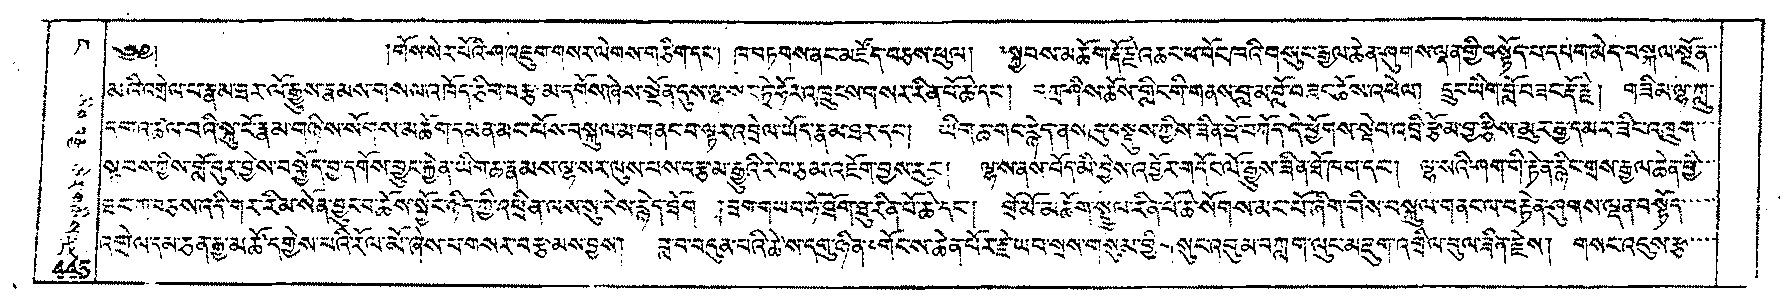༄༅། །གོས་སེར་པོའི་ཤ་འཇུག་གསར་ལེགས་གཅིག་དང་། ཁ་བཏགས་ནང་མཛོད་བཅས་ཕུལ། ༧སྐྱབས་མཆོག་རྡོ་རྗེ་འཆང་ཕ་བོང་ཁའི་གསུང་རྒྱལ་ཆེན་ཤུགས་ལྡན་གྱི་བསྟོད་པ་དཔག་མེད་བསྐལ་སྔོན་
མའི་འགྲེལ་པ་རྣམ་ཐར་ལོ་རྒྱུས་རྣམས་གསལ་འཁོད་ཅིག་བརྩམ་དགོས་ཞེས་སྔོན་དུས་ལྷ་སར་ཏྲེ་ཧོར་འཁྲུངས་གསར་རིན་པོ་ཆེ་དང་། བཀྲ་ཤིས་ཆོས་གླིང་གི་གནས་བླ་མ་བློ་བཟང་ཆོས་འཕེལ། དྲུང་ཡིག་བློ་བཟང་རྡོ་རྗེ། གཟིམ་ལྷ་ཀླུ་
དགའ་ཚལ་བའི་སྐུ་ངོ་རྣམ་གཉིས་སོགས་མཆོག་དམན་མང་པོས་བསྐུལ་མ་གནང་བ་ལྟར་འབྲེལ་ཡོད་རྣམ་ཐར་དང་། ཡིག་ཆ་གང་རྙེད་ནས་ཁུ་བསྡུས་ཀྱིས་ཟིན་ཐོ་བཀོད་དེ་ཕྱོགས་སྡེབ་འབྲི་རྩོམ་བྱ་རྩིས་མུར་རྒྱ་དམར་ཟིང་འཁྲུག་
སྟབས་ཀྱིས་གློ་བུར་བྱེས་བསྐྱོད་བྱ་དགོས་བྱུང་རྐྱེན་ཡིག་ཆ་རྣམས་ལྷ་སར་ལུས་པས་བརྩམ་རྒྱུའི་རེ་བ་ཙམ་འཇོག་བྱས་རུང་། ལྷ་ས་ནས་བོད་མི་བྱེས་འབྱོར་གདོང་ལོ་རྒྱུས་ཟིན་ཐོ་ཁག་དང་། ལྷ་སའི་ཤག་གི་རྟེན་རྙིང་གྲས་རྒྱལ་ཆེན་གྱི་
ཐང་ཀ་བཅས་འདི་གར་རིམ་སོན་བྱུང་བ་ཆོས་སྐྱོང་ཉིད་ཀྱི་འཕྲིན་ལས་སུ་ངེས་རྙེད་ཐོག །བྲག་གཡབ་ཧོ་ཐོག་ཐུ་རིན་པོ་ཆེ་དང་། གྲོ་མོ་མཆོག་སྤྲུལ་རིན་པོ་ཆེ་སོགས་མང་པོ་ཞིག་གིས་བསྐུལ་གནང་ལ་བརྟེན་ཤུགས་ལྡན་བསྟོད་
འགྲེལ་དམ་ཅན་རྒྱ་མཚོ་དགྱེས་པའི་རོལ་མོ་ཞེས་པ་གསར་བརྩམས་བྱས། ཟླ་བ་བདུན་པའི་ཚེས་དགུ་ཉིན་༧གོང་ས་ཆེན་པོར་རྗེ་ཡབ་སྲས་གསུམ་གྱི་གསུང་འབུམ་བཀླག་ལུང་མཇུག་འགྲིལ་ཕུལ་ཟིན་རྗེས། གསང་འདུས་རྩ་